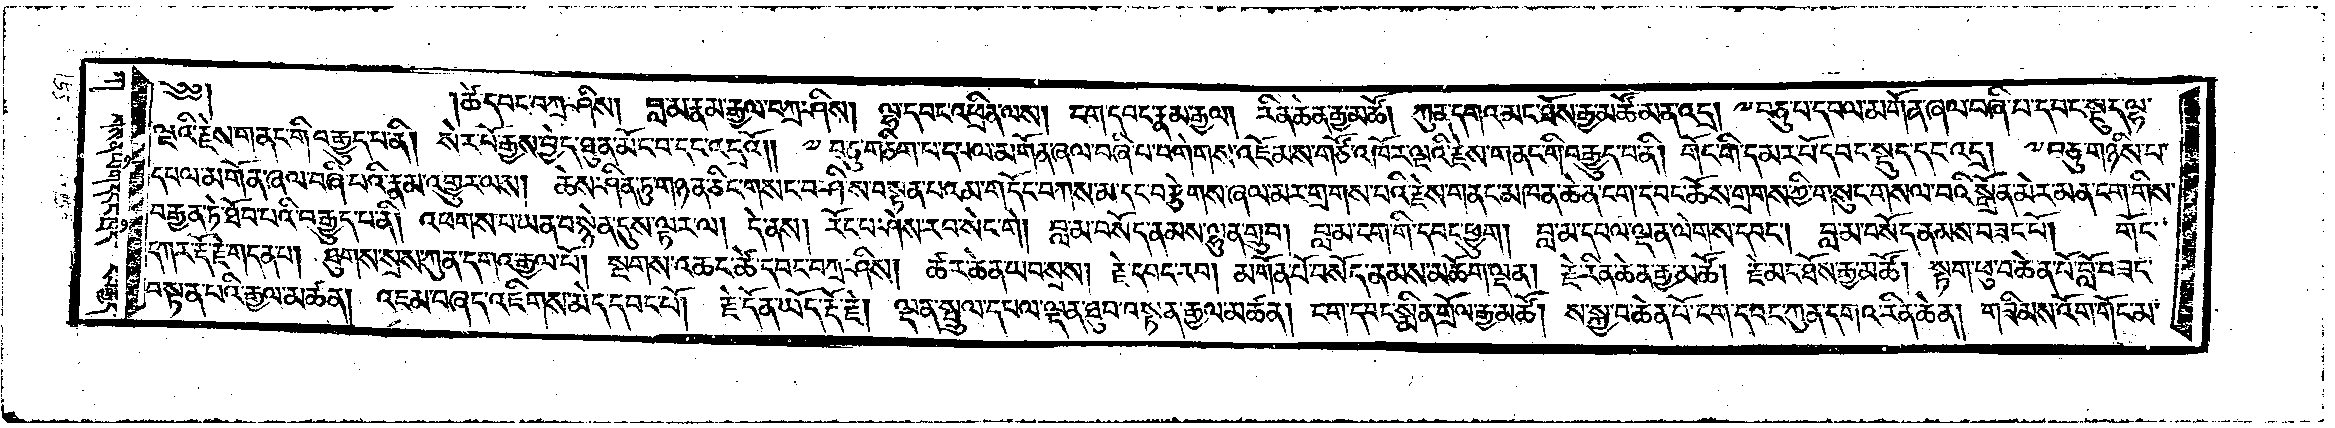༄༅། །ཚེ་དབང་བཀྲ་ཤིས། བླ་མ་རྣམ་རྒྱལ་བཀྲ་ཤིས། ལྷ་དབང་འཕྲིན་ལས། ངག་དབང་རྣམ་རྒྱལ། རིན་ཆེན་རྒྱ་མཚོ། ཀུན་དགའ་མང་ཐོས་རྒྱ་མཚོ་མན་འདྲ། ༧བཅུ་པ་དཔལ་མགོན་ཞལ་བཞི་པ་དབང་སྡུད་ལྷ་
ལྔའི་རྗེས་གནང་གི་བརྒྱུད་པ་ནི། སེར་པོ་རྒྱས་བྱེད་ཐུན་མོང་བ་དང་འདྲའོ།། ༧བཅུ་གཅིག་པ་དཔལ་མགོན་ཞལ་བཞི་པ་བགེགས་འཇོམས་གཙོ་འཁོར་ལྔའི་རྗེས་གནང་གི་བརྒྱུད་པ་ནི། གོང་གི་དམར་པོ་དབང་སྡུད་དང་འདྲ། ༧བཅུ་གཉིས་པ་
དཔལ་མགོན་ཞལ་བཞི་པའི་རྣམ་འགྱུར་ལས། ཆེས་ཤིན་ཏུ་གཉན་ཅིང་གསང་བ་ཤིས་བསྟན་པའམ་གདོང་བཀས་མ་དང་བརྩེགས་ཞལ་མར་གྲགས་པའི་རྗེས་གནང་མཁན་ཆེན་ངག་དབང་ཆོས་གྲགས་ཀྱི་གསུང་གསལ་བའི་སྒྲོན་མེར་མན་ངག་གིས་
བརྒྱན་ཏེ་ཐོབ་པའི་བརྒྱུད་པ་ནི། འཕགས་པ་ཡན་བསྙེན་དུས་ལྟར་ལ། དེ་ནས། རོང་པ་ཤེས་རབ་སེང་གེ། བླ་མ་བསོད་ནམས་ལྷུན་གྲུབ། བླ་མ་ངག་གི་དབང་ཕྱུག །བླ་མ་དཔལ་ལྡན་ལེགས་དབང་། བླ་མ་བསོད་ནམས་བཟང་པོ། གོང་
དཀར་རྡོ་རྗེ་གདན་པ། ཐུགས་སྲས་ཀུན་དགའ་རྒྱལ་པོ། སྔགས་འཆང་ཚེ་དབང་བཀྲ་ཤིས། ཚར་ཆེན་ཡབ་སྲས། རྗེ་དབང་རབ། མགོན་པོ་བསོད་ནམས་མཆོག་ལྡན། རྗེ་རིན་ཆེན་རྒྱ་མཚོ། རྗེ་མང་ཐོས་རྒྱ་མཚོ། སྟག་ཕུ་བ་ཆེན་པོ་བློ་བཟང་
བསྟན་པའི་རྒྱལ་མཚན། འཇམ་བཞད་འཇིགས་མེད་དབང་པོ། རྗེ་དོན་ཡོད་རྡོ་རྗེ། ལྡན་སྤྲུལ་དཔལ་ལྡན་ཐུབ་བསྟན་རྒྱལ་མཚན། ངག་དབང་སྨིན་གྲོལ་རྒྱ་མཚོ། ས་སྐྱ་བ་ཆེན་པོ་ངག་དབང་ཀུན་དགའ་རིན་ཆེན། གཟིམས་འོག་གོང་མ་